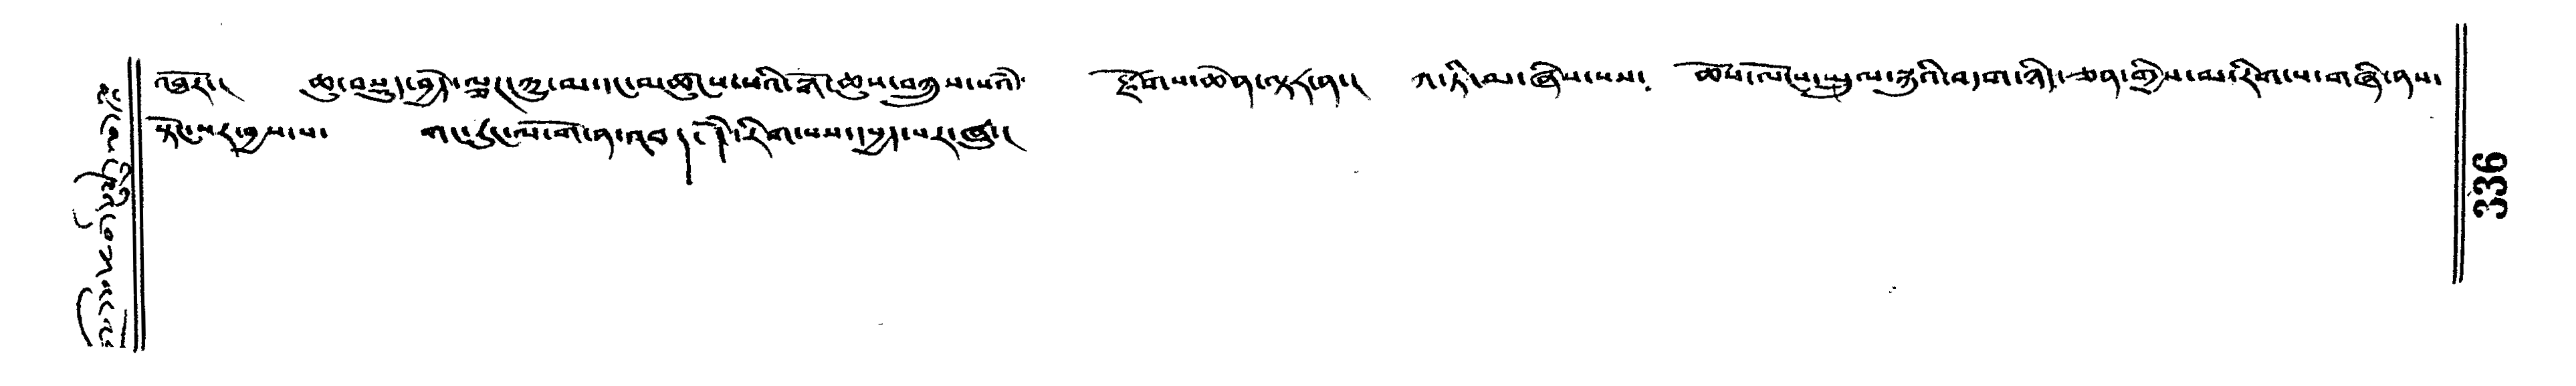འཐོར། ཆུ་སྡུད་བྱེད་ལྕགས་ཀྱུ་མ་དང་མཚུངས་པའི་སྒོ། ཆུས་བཀྲུས་པའམ། རྫོགས་ཆེན་ལྟར་ན། ཀ་ཏི་མ་ཞེས་པས། ཆོས་ལོངས་སྤྲུལ་སྐུའི་བདག་ཉིད་ཅན་གྱིས་མ་རིག་པ་གཞི་ནས་
སྟོང་པར་བྱས་པ། གང་རུང་ལ་གོ་ན་འཐད་དམ་རིག་པས་དཔྱད་པར་ཞུ།། དགེའོ།།